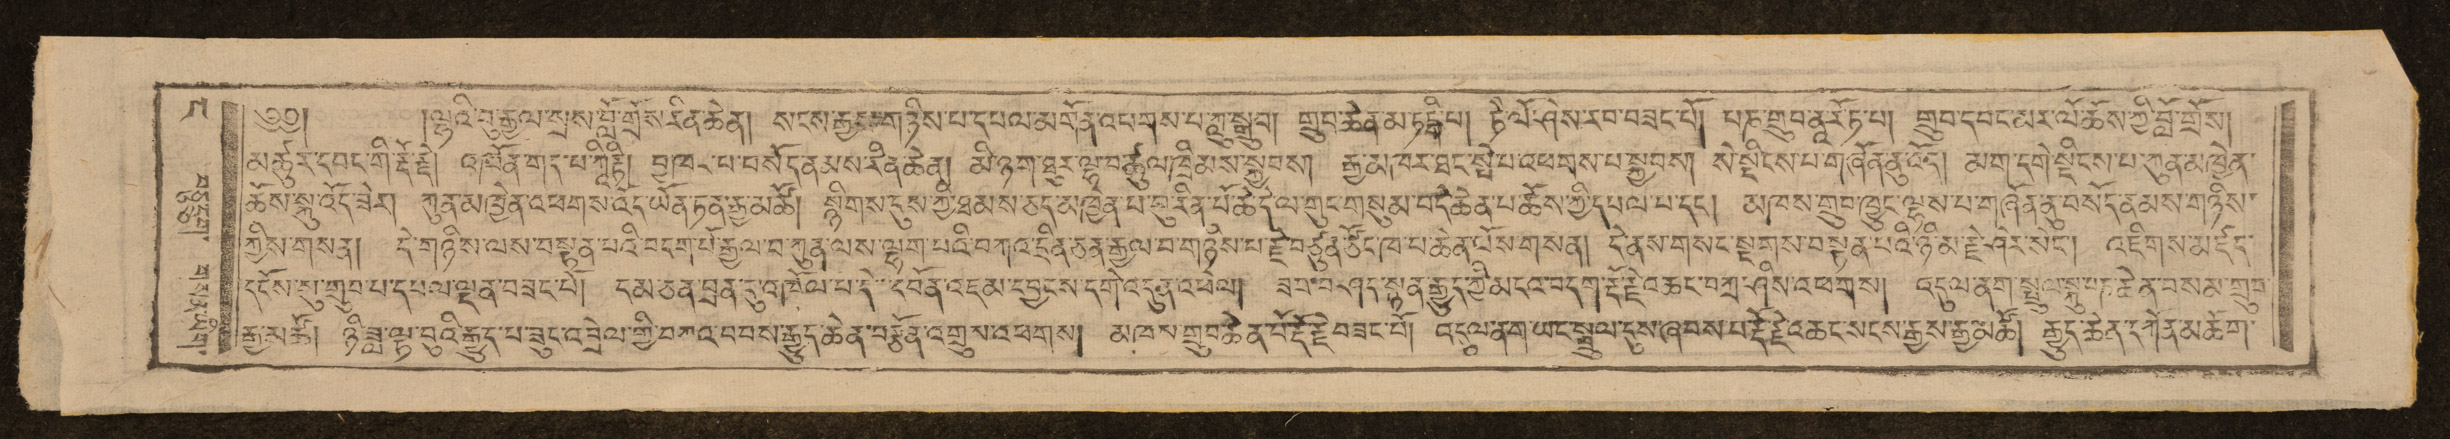༄༅། །ལྷའི་བུ་རྒྱལ་སྲས་བློ་གྲོས་རིན་ཆེན། སངས་རྒྱས་གཉིས་པ་དཔལ་མགོན་འཕགས་པ་ཀླུ་སྒྲུབ། གྲུབ་ཆེན་མ་ཏངྒི་པ། ཏི་ལོ་ཤེས་རབ་བཟང་པོ། པཎ་གྲུབ་ནཱ་རོ་ཏ་པ། གྲུབ་དབང་མར་ལོ་ཆོས་ཀྱི་བློ་གྲོས།
མཚུར་དབང་གི་རྡོ་རྗེ། འཁོན་གད་པ་ཀཱིརྟི། བྱ་ཁར་པ་བསོད་ནམས་རིན་ཆེན། མི་ཉག་ཐུར་ལྟ་ཚུལ་ཁྲིམས་སྐྱབས། རྒྱ་མཁར་ཐང་སྤེ་པ་འཕགས་པ་སྐྱབས། སེ་སྡིངས་པ་གཞོན་ནུ་འོད། མག་དགེ་སྡིངས་པ་ཀུན་མཁྱེན་
ཆོས་སྐུ་འོད་ཟེར། ཀུན་མཁྱེན་འཕགས་འོད་ཡོན་ཏན་རྒྱ་མཚོ། སྙིགས་དུས་ཀྱི་ཐམས་ཅད་མཁྱེན་པ་སུ་རིན་པོ་ཆེ་དེ་ལ་གུང་གསུམ་བདེ་ཆེན་པ་ཆོས་ཀྱི་དཔལ་པ་དང་། མཁས་གྲུབ་ཁྱུང་ལྷས་པ་གཞོན་ནུ་བསོད་ནམས་གཉིས་
ཀྱིས་གསན། དེ་གཉིས་ལས་བསྟན་པའི་བདག་པོ་རྒྱལ་བ་ཀུན་ལས་ལྷག་པའི་བཀའ་དྲིན་ཅན་རྒྱལ་བ་གཉིས་པ་རྗེ་བཙུན་ཙོང་ཁ་པ་ཆེན་པོས་གསན། དེ་ནས་གསང་སྔགས་བསྟན་པའི་ཉི་མ་རྗེ་ཤེར་སེང་། འཇིགས་མཛད་
དངོས་སུ་གྲུབ་པ་དཔལ་ལྡན་བཟང་པོ། དམ་ཅན་བྲན་དུ་འཁོལ་པ་དེ་དབོན་འཇམ་དབྱངས་དགེ་འདུན་འཕེལ། ཟབ་བཤད་སྙན་རྒྱུད་ཀྱི་མངའ་བདག་རྡོ་རྗེ་འཆང་བཀྲ་ཤིས་འཕགས། འདུལ་ནག་སྤྲུལ་སྐུ་པཎ་ཆེན་བསམ་གྲུབ་
རྒྱ་མཚོ། ཉི་ཟླ་ལྟ་བུའི་རྒྱུད་པ་ཟུང་འབྲེལ་གྱི་བཀའ་བབས་རྒྱུད་ཆེན་བརྩོན་འགྲུས་འཕགས། མཁས་གྲུབ་ཆེན་པོ་རྡོ་རྗེ་བཟང་པོ། འདུལ་ནག་ཡང་སྤྲུལ་དུས་ཞགས་པ་རྡོ་རྗེ་འཆང་སངས་རྒྱས་རྒྱ་མཚོ། རྒྱུད་ཆེན་དཀོན་མཆོག་